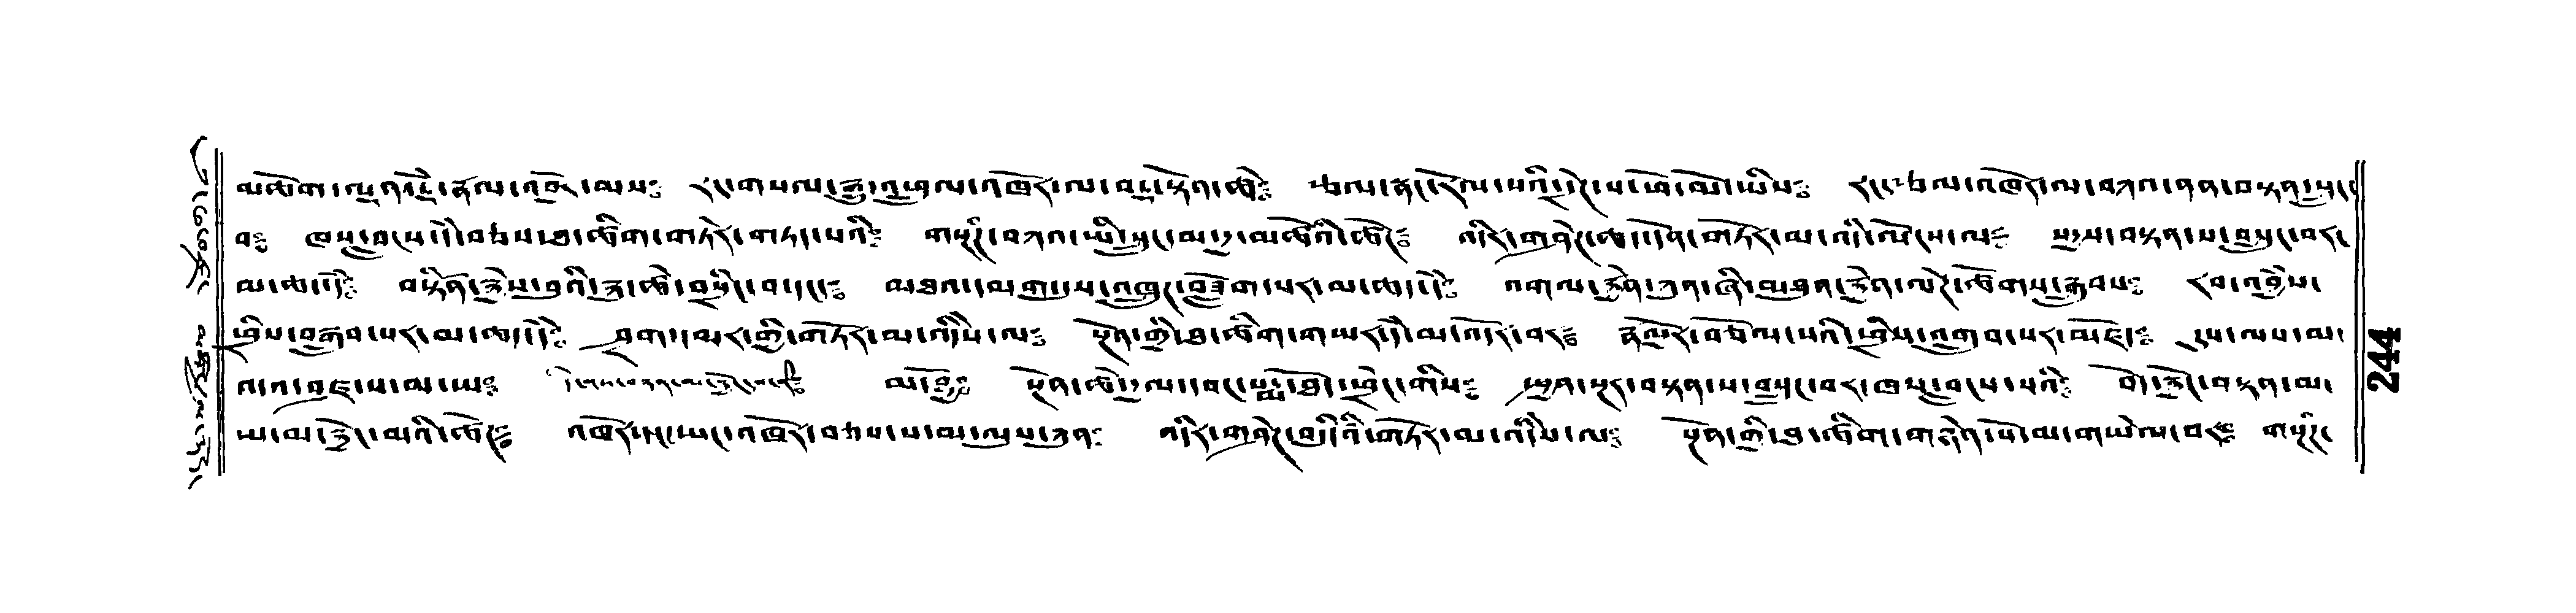མཆོག་ལྡན་རྡོ་རྗེ་རྣལ་འབྱོར་མས༔རང་གསལ་སྒྱུ་འཕྲུལ་འཁོར་ལ་བརྡ་སྟོན་ཚེ༔ རྩལ་སྣང་རོལ་པའི་དྲེགས་པ་ཕོ་མོ་ཡིས༔ རང་རྩལ་འཁོར་ལ་བཀའ་ནན་བསྟན་སྲུང་
བ༔ ཁས་བླངས་དམ་བཅས་ཐ་ཚིག་གཉེར་གཏད་པའི༔ གསང་སྔགས་བཀའ་ཡི་སྲུང་མ་རྒྱ་མཚོའི་ཚོགས༔ འདིར་གཤེགས་ཆད་དོན་གཏོར་མ་འདི་ལོངས་ལ༔ སངས་རྒྱས་བསྟན་པ་བསྲུང་བར་
མ་ཆད་དམ༔ བསྟན་འཛིན་སྐྱེས་བུའི་སྐུ་ཚེ་བསྲིང་བ་དང༔ མཐའ་དམག་དུས་འཁྲུགས་བཟློག་པར་མ་ཆད་དམ༔ འགལ་རྐྱེན་ཀུན་ཞི་མཐུན་རྐྱེན་ལེགས་ཚོགས་སྒྲུབས༔ རབ་འབྱམས་
ཕྲིན་ལས་བསྒྲུབ་པར་མ་ཆད་དམ༔ ཤ་ཁྲག་དམར་གྱི་གཏོར་མ་འདི་བཞེས་ལ༔ སྔོན་གྱི་ཐ་ཚིག་གཡར་དམ་མ་འདོར་བར༔ རྣལ་འབྱོར་བཅོལ་པའི་ཕྲིན་ལས་འགྲུབ་པར་མཛོད༔ དུས་ལས་མ་
འདའ་བཛྲ་ས་མ་ཡ༔ དེ་ནས་བརྟན་མ་སྦྱོང་བ་ནི༔ མ་བྷྱོ༔ སྔོན་ཚེ་རྒྱལ་དབང་པདྨ་ཐོད་ཕྲེང་གིས༔ སྤྱན་སྔར་བརྟན་པ་བསྲུང་བར་ཁས་བླངས་པའི༔ བོད་སྐྱོང་བསྟན་མ་
ཡ་མ་སྐྱོང་མའི་ཚོགས༔ འཁོར་དང་ཡང་འཁོར་བཅས་པ་མ་ལུས་ཀུན༔ འདིར་གཤེགས་བདུད་རྩིའི་གཏོར་མ་འདི་བཞེས་ལ༔ སྔོན་གྱི་ཐ་ཚིག་གཉེན་པོ་མ་གཡེལ་བར༔ གསང་སྔགས་